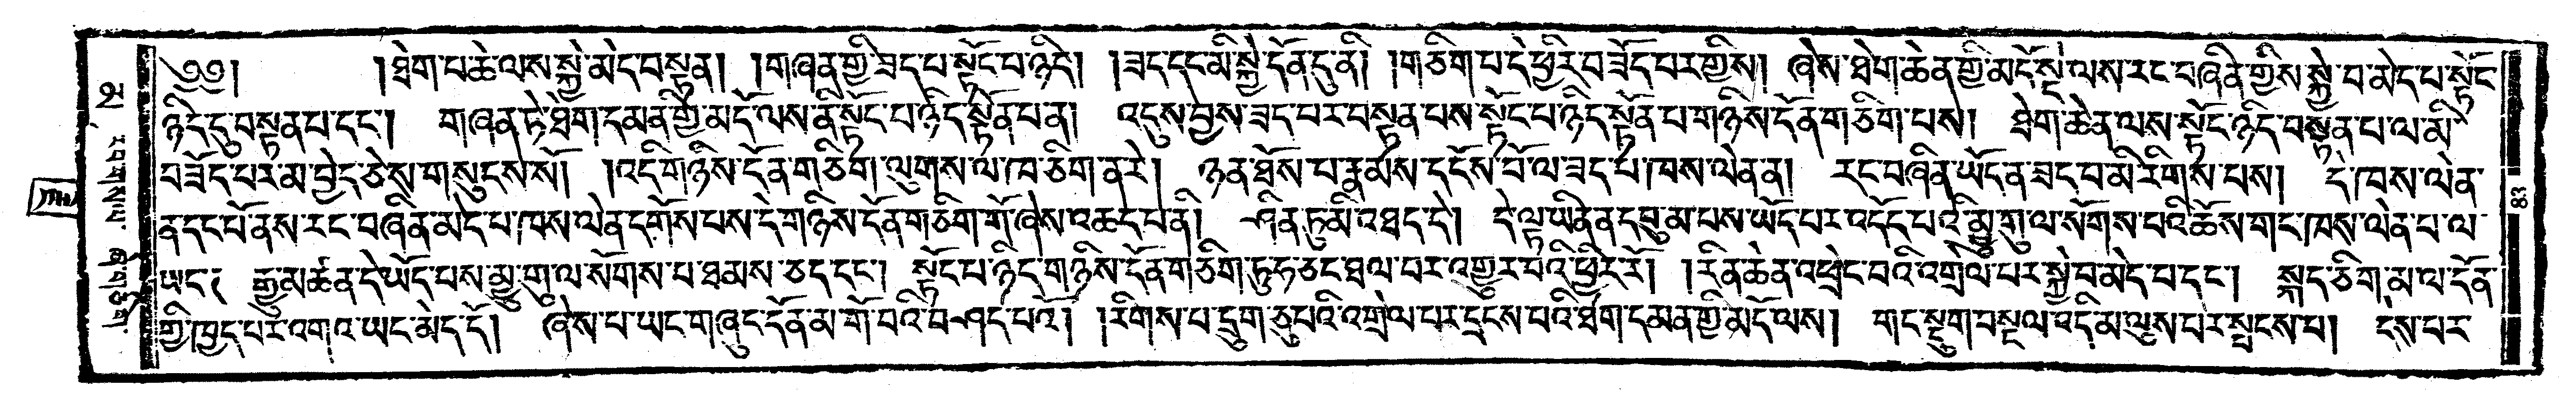༄༅། །ཐེག་པ་ཆེ་ལས་སྐྱེ་མེད་བསྟན། །གཞན་གྱི་ཟད་པ་སྟོང་པ་ཉིད། །ཟད་དང་མི་སྐྱེ་དོན་དུ་ནི། །གཅིག་པ་དེ་ཕྱིར་བཟོད་པར་གྱིས། ཞེས་ཐེག་ཆེན་གྱི་མདོ་སྡེ་ལས་རང་བཞིན་གྱིས་སྐྱེ་བ་མེད་པ་སྟོང་
ཉིད་དུ་བསྟན་པ་དང་། གཞན་ཏེ་ཐེག་དམན་གྱི་མདོ་ལས་ནི་སྟོང་པ་ཉིད་སྟོན་པ་ན། འདུས་བྱས་ཟད་པར་བསྟན་པས་སྟོང་པ་ཉིད་སྟོན་པ་གཉིས་དོན་གཅིག་པས། ཐེག་ཆེན་ལས་སྟོང་ཉིད་བསྟན་པ་ལ་མི་
བཟོད་པར་མ་བྱེད་ཅེས་གསུངས་སོ། །འདི་གཉིས་དོན་གཅིག་ལུགས་ལ་ཁ་ཅིག་ན་རེ། ཉན་ཐོས་པ་རྣམས་དངོས་པོ་ལ་ཟད་པ་ཁས་ལེན་ན། རང་བཞིན་ཡོད་ན་ཟད་པ་མི་རིགས་པས། དེ་ཁས་ལེན་
ན་དང་པོ་ནས་རང་བཞིན་མེད་པ་ཁས་ལེན་དགོས་པས་དེ་གཉིས་དོན་གཅིག་གོ་ཞེས་འཆད་པ་ནི། ཤིན་ཏུ་མི་འཐད་དེ། དེ་ལྟ་ཡིན་ན་དབུ་མ་པས་ཡོད་པར་འདོད་པའི་མྱུ་གུ་ལ་སོགས་པའི་ཆོས་གང་ཁས་ལེན་པ་ལ་
ཡང་། རྒྱུ་མཚན་དེ་ཡོད་པས་མྱུ་གུ་ལ་སོགས་པ་ཐམས་ཅད་དང་། སྟོང་པ་ཉིད་གཉིས་དོན་གཅིག་ཏུ་ཧ་ཅང་ཐལ་བར་འགྱུར་བའི་ཕྱིར་རོ། །རིན་ཆེན་འཕྲེང་བའི་འགྲེལ་པར་སྐྱེ་བ་མེད་པ་དང་། སྐད་ཅིག་མ་ལ་དོན་
གྱི་ཁྱད་པར་འགའ་ཡང་མེད་དོ། ཞེས་པ་ཡང་གཞུང་དོན་མ་གོ་བའི་བཤད་པའོ། །རིགས་པ་དྲུག་ཅུ་པའི་འགྲེལ་པར་དྲངས་པའི་ཐེག་དམན་གྱི་མདོ་ལས། གང་སྡུག་བསྔལ་འདི་མ་ལུས་པར་སྤངས་པ། ངེས་པར་